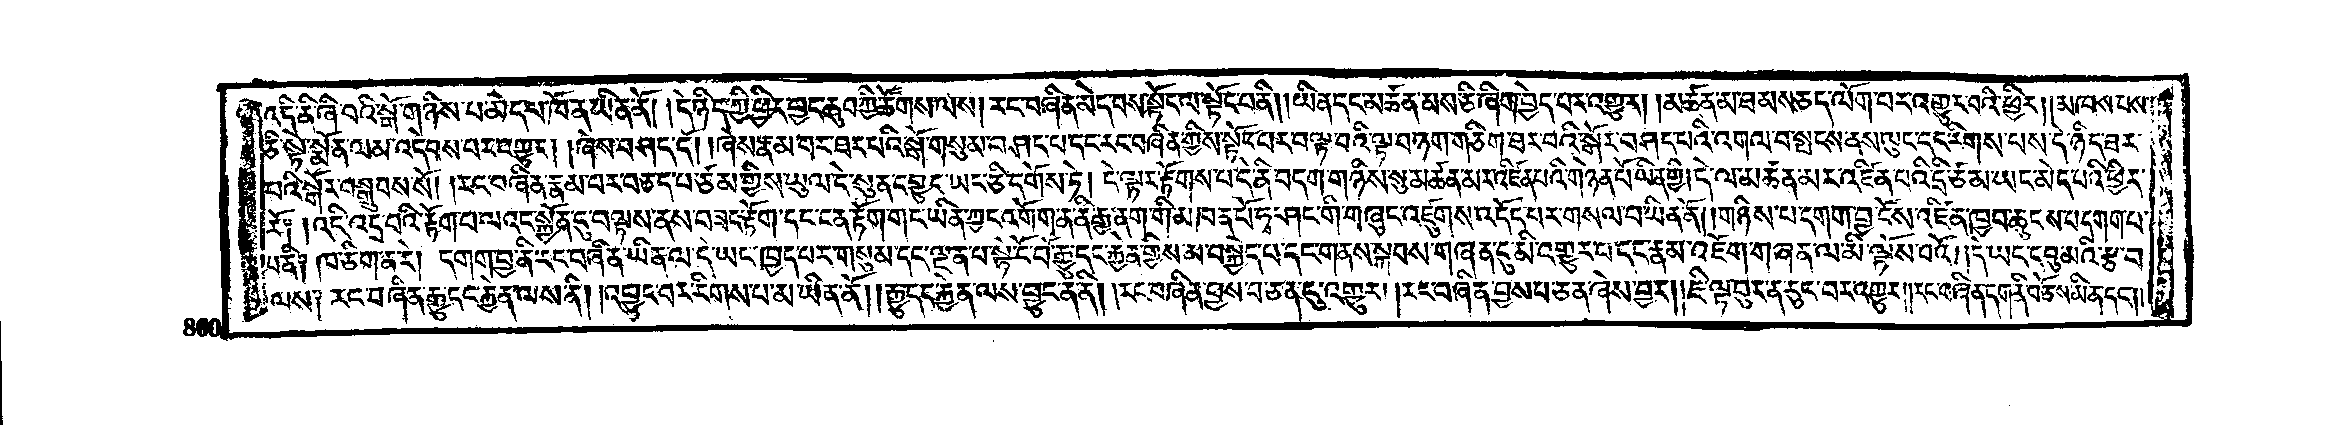འདི་ནི་ཞི་བའི་སྒོ་གཉིས་པ་མེད་པ་ཁོ་ན་ཡིན་ནོ། །དེ་ཉིད་ཀྱི་ཕྱིར་བྱང་ཆུབ་ཀྱི་ཚོགས་ལས། རང་བཞིན་མེད་པས་སྟོང་ལ་སྟོང་པ་ནི། །ཡིན་དང་མཚན་མས་ཅི་ཞིག་བྱེད་པར་འགྱུར། །མཚན་མ་ཐམས་ཅད་ལོག་པར་འགྱུར་བའི་ཕྱིར། །མཁས་པས་
ཅི་སྟེ་སྨོན་ལམ་འདེབས་པར་འགྱུར། །ཞེས་བཤད་དོ། །ཞེས་རྣམ་པར་ཐར་པའི་སྒོ་གསུམ་བཤད་པ་དང་རང་བཞིན་གྱིས་སྟོང་པར་བལྟ་བའི་ལྟ་བ་ཉག་གཅིག་ཐར་པའི་སྒོར་བཤད་པའི་འགལ་བ་སྤངས་ནས་ལུང་དང་རིགས་པས་དེ་ཉིད་ཐར་
པའི་སྒོར་བསྒྲུབས་སོ། །རང་བཞིན་རྣམ་པར་བཅད་པ་ཙམ་གྱིས་ཡུལ་དེ་སུན་དབྱུང་ཡང་ཅི་དགོས་ཏེ། དེ་ལྟར་རྟོགས་པ་དེ་ནི་བདག་གཉིས་སུ་མཚན་མར་འཛིན་པའི་གཉེན་པོ་ཡིན་གྱི། དེ་ལ་མཚན་མར་འཛིན་པའི་དྲི་ཙམ་ཡང་མེད་པའི་ཕྱིར་
རོ༑ ༑འདི་འདྲ་བའི་རྟོག་པ་ལའང་སྐྱོན་དུ་བལྟས་ནས་བཟང་རྟོག་དང་ངན་རྟོག་གང་ཡིན་ཀྱང་འགོག་ན་ནི་རྒྱ་ནག་གི་མཁན་པོ་ཧྭ་ཤང་གི་གཞུང་འཛུགས་འདོད་པར་གསལ་བ་ཡིན་ནོ། །གཉིས་པ་དགག་བྱ་ངོས་འཛིན་ཁྱབ་ཆུངས་པ་དགག་པ་
པ་ནི༑ ཁ་ཅིག་ན་རེ། དགག་བྱ་ནི་རང་བཞིན་ཡིན་ལ་དེ་ཡང་ཁྱད་པར་གསུམ་དང་ལྡན་པ་སྟེ་ངོ་བོ་རྒྱུ་དང་རྐྱེན་གྱིས་མ་བསྐྱེད་པ་དང་གནས་སྐབས་གཞན་དུ་མི་འགྱུར་བ་དང་རྣམ་འཇོག་གཞན་ལ་མི་ལྟོས་པའོ། །དེ་ཡང་དབུ་མའི་རྩ་བ་
ལས༑ རང་བཞིན་རྒྱུ་དང་རྐྱེན་ལས་ནི། །འབྱུང་བར་རིགས་པ་མ་ཡིན་ནོ། །རྒྱུ་དང་རྐྱེན་ལས་བྱུང་ན་ནི། །རང་བཞིན་བྱས་པ་ཅན་དུ་འགྱུར། །རང་བཞིན་བྱས་པ་ཅན་ཞེས་བྱར། །ཇི་ལྟ་བུར་ན་རུང་བར་འགྱུར། །རང་བཞིན་དག་ནི་བཅོས་མིན་དང་། །